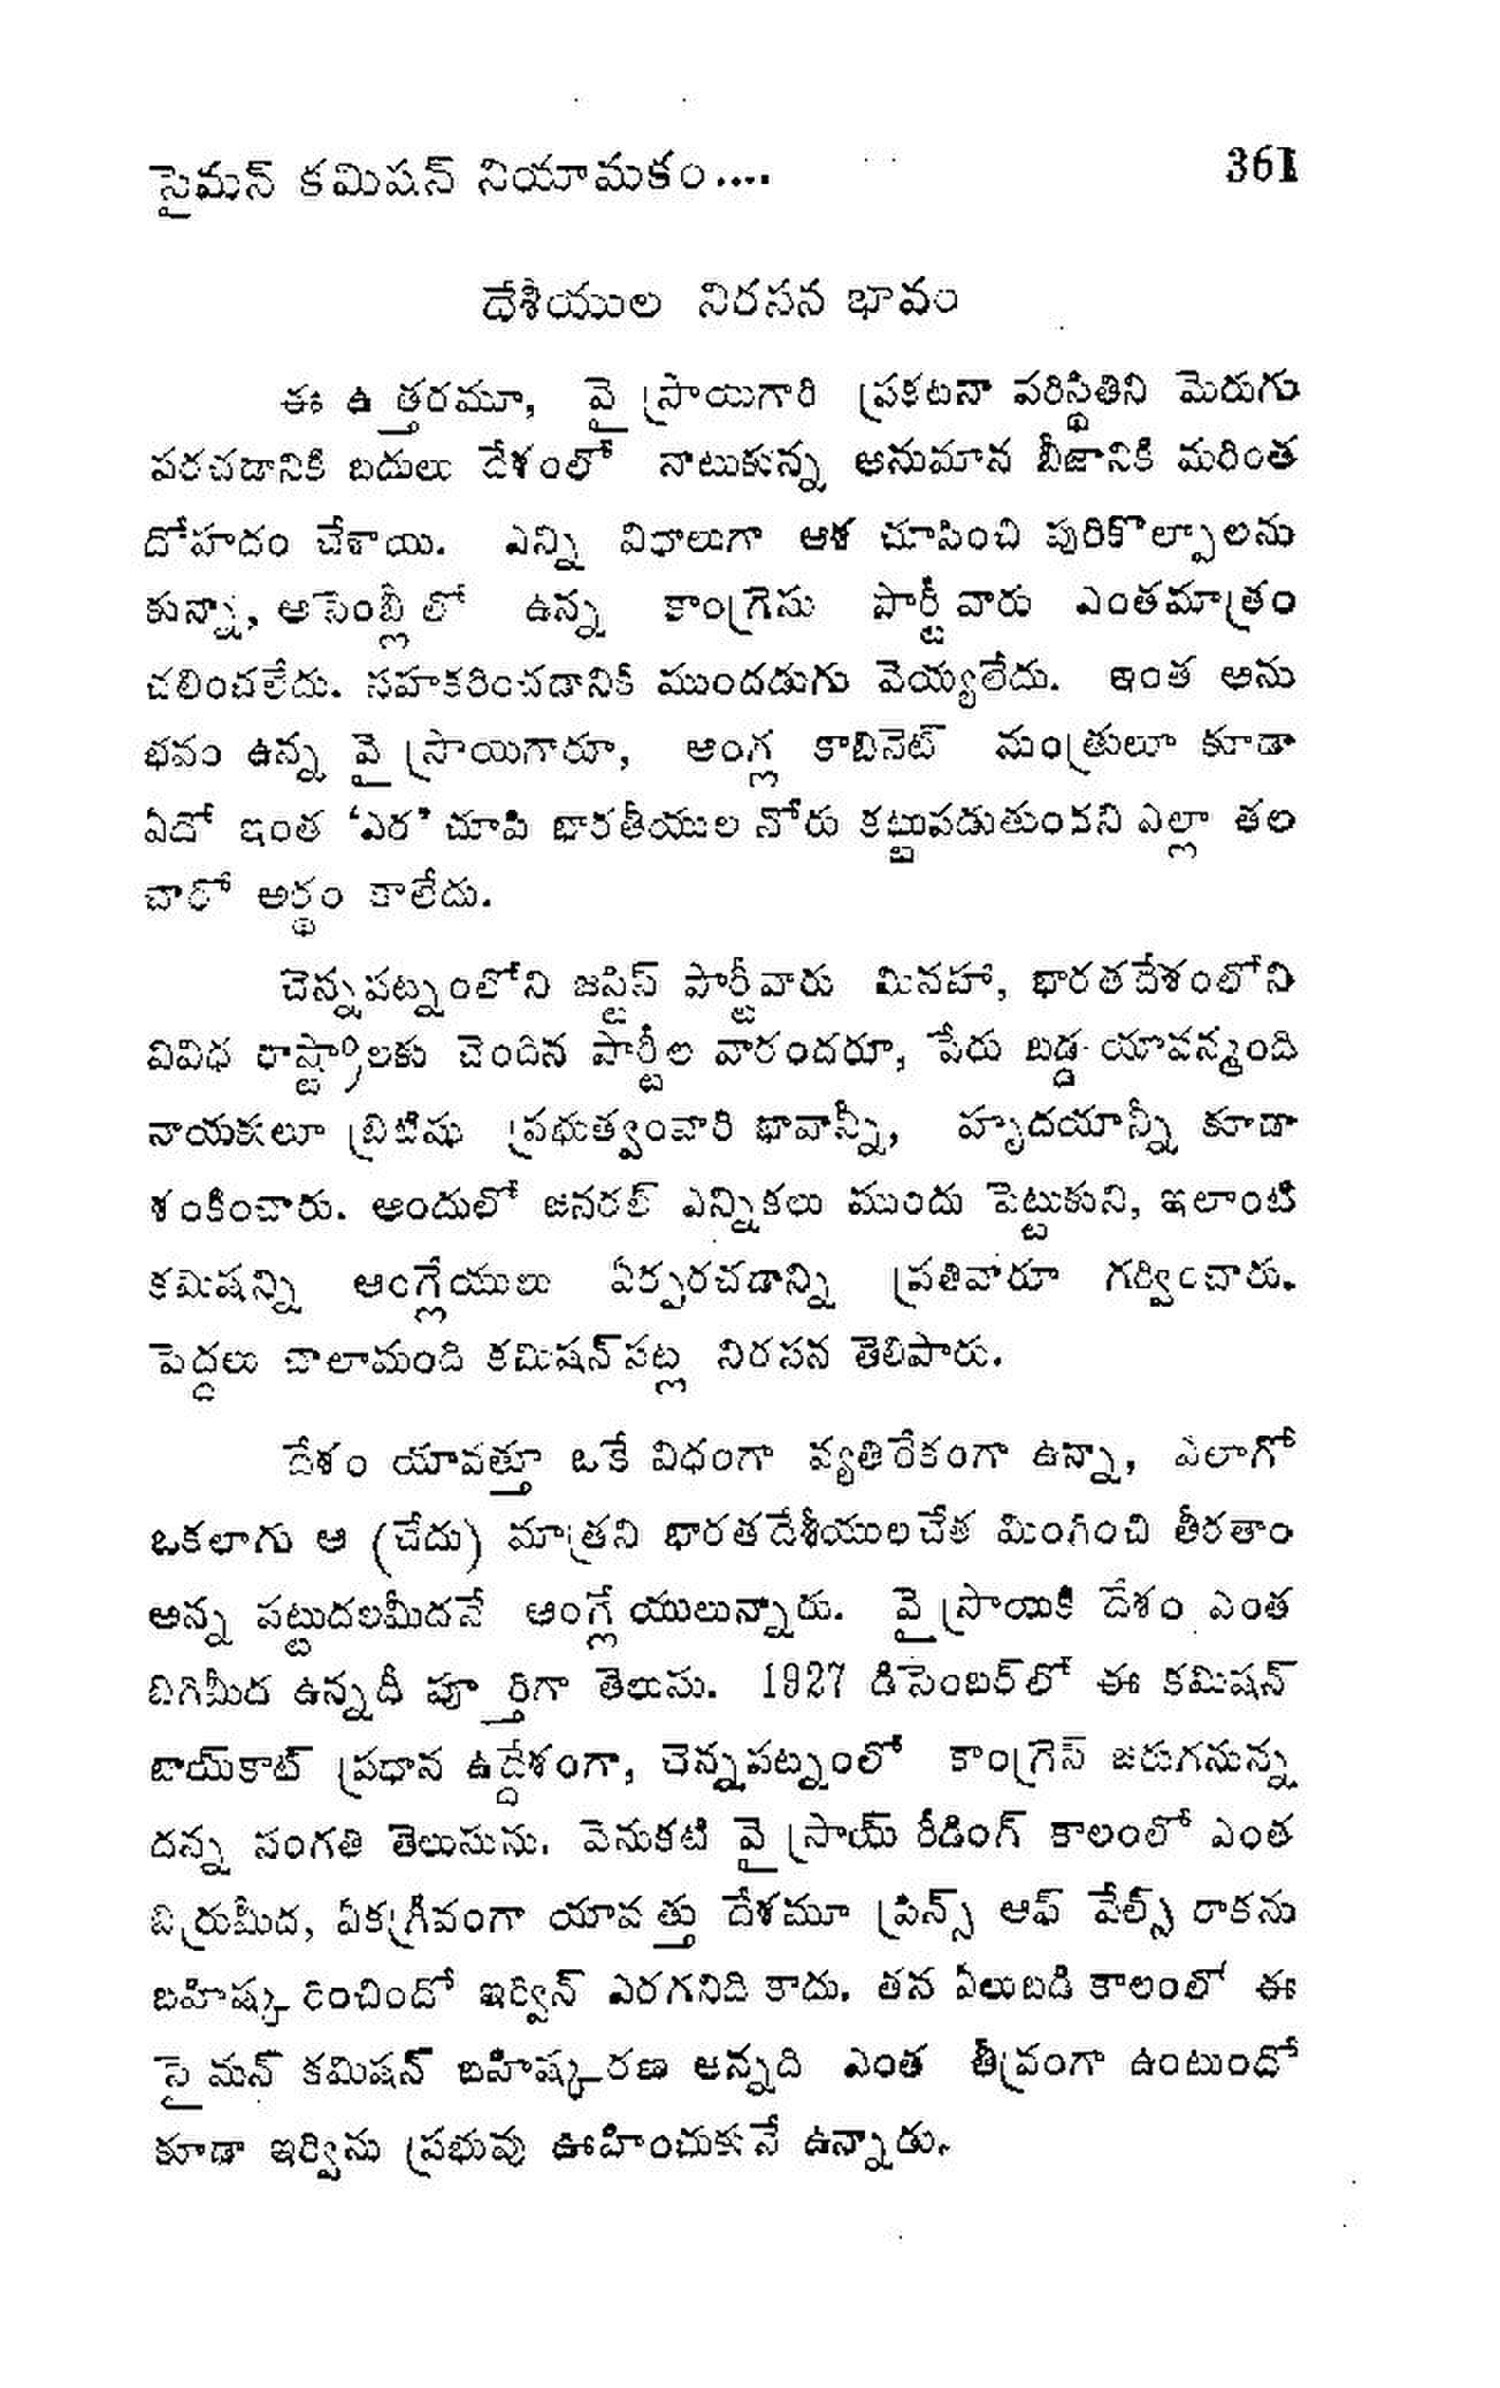ఈ ఉత్తరమూ, వైస్రాయిగారి ప్రకటనా పరిస్థితిని మెరుగు పరచడానికి బదులు దేశంలో నాటుకున్న అనుమాన బీజానికి మరింత దోహదం చేశాయి. ఎన్ని విధాలుగా ఆశ చూపించి పురికొల్పాలనుకున్నా, అసెంబ్లీలో ఉన్న కాంగ్రెసు పార్టీ వారు ఎంతమాత్రం చలించలేదు. సహకరించడానికి ముందడుగు వెయ్యలేదు. ఇంత అనుభవం ఉన్న వైస్రాయిగారూ, ఆంగ్ల కాబినెట్ మంత్రులూ కూడా ఏదో ఇంత 'ఎర' చూపి బారతీయుల నోరు కట్టుపడుతుందని ఎల్లా తలచారో అర్థం కాలేదు.

చెన్నపట్నంలోని జస్టిస్ పార్టీవారు మినహా, భారతదేశంలోని వివిధ రాష్ట్రాలకు చెందిన పార్టీల వారందరూ, పేరు బడ్డ యావన్మంది నాయకులూ బ్రిటిషు ప్రభుత్వంవారి భావాన్నీ, హృదయాన్నీ కూడా శంకించారు. అందులో జనరల్ ఎన్నికల ముందు పెట్టుకుని, ఇలాంటి కమిషన్ని ఆంగ్లేయులు ఏర్పరచడాన్ని ప్రతివారూ గర్వించారు. పెద్దలు చాలామంది కమిషన్‌ పట్ల నిరసన తెలిపారు.

దేశం యావత్తూ ఒకే విధంగా వ్యతిరేకంగా ఉన్నా, ఎలాగో ఒకలాగు ఆ (చేదు) మాత్రని భారతదేశీయులచేత మింగించి తీరతాం అన్న పట్టుదలమీదనే ఆంగ్లేయులున్నారు. వైస్రాయికి దేశం ఎంత బిగిమీద ఉన్నదీ పూర్తిగా తెలుసు. 1927 డిసెంబర్‌లో ఈ కమిషన్ బాయ్‌కాట్ ప్రధాన ఉద్దేశంగా, చెన్నపట్నంలో కాంగ్రెస్ జరుగనున్నదన్న సంగతి తెలుసును. వెనుకటి వైస్రాయ్ రీడింగ్ కాలంలో ఎంత బిర్రుమీద, ఏకగ్రీవంగా యావత్తు దేశమూ ప్రిన్స్ ఆఫ్ వేల్స్ రాకను బహిష్కరించిందో ఇర్విన్ ఎరగనిది కాదు. తన ఏలుబడి కాలంలో ఈ సైమన్ కమిషన్ బహిష్కరణ అన్నది ఎంత తీవ్రంగా ఉంటుందో కూడా ఇర్విను ప్రభువు ఊహించుకునే ఉన్నాడు.